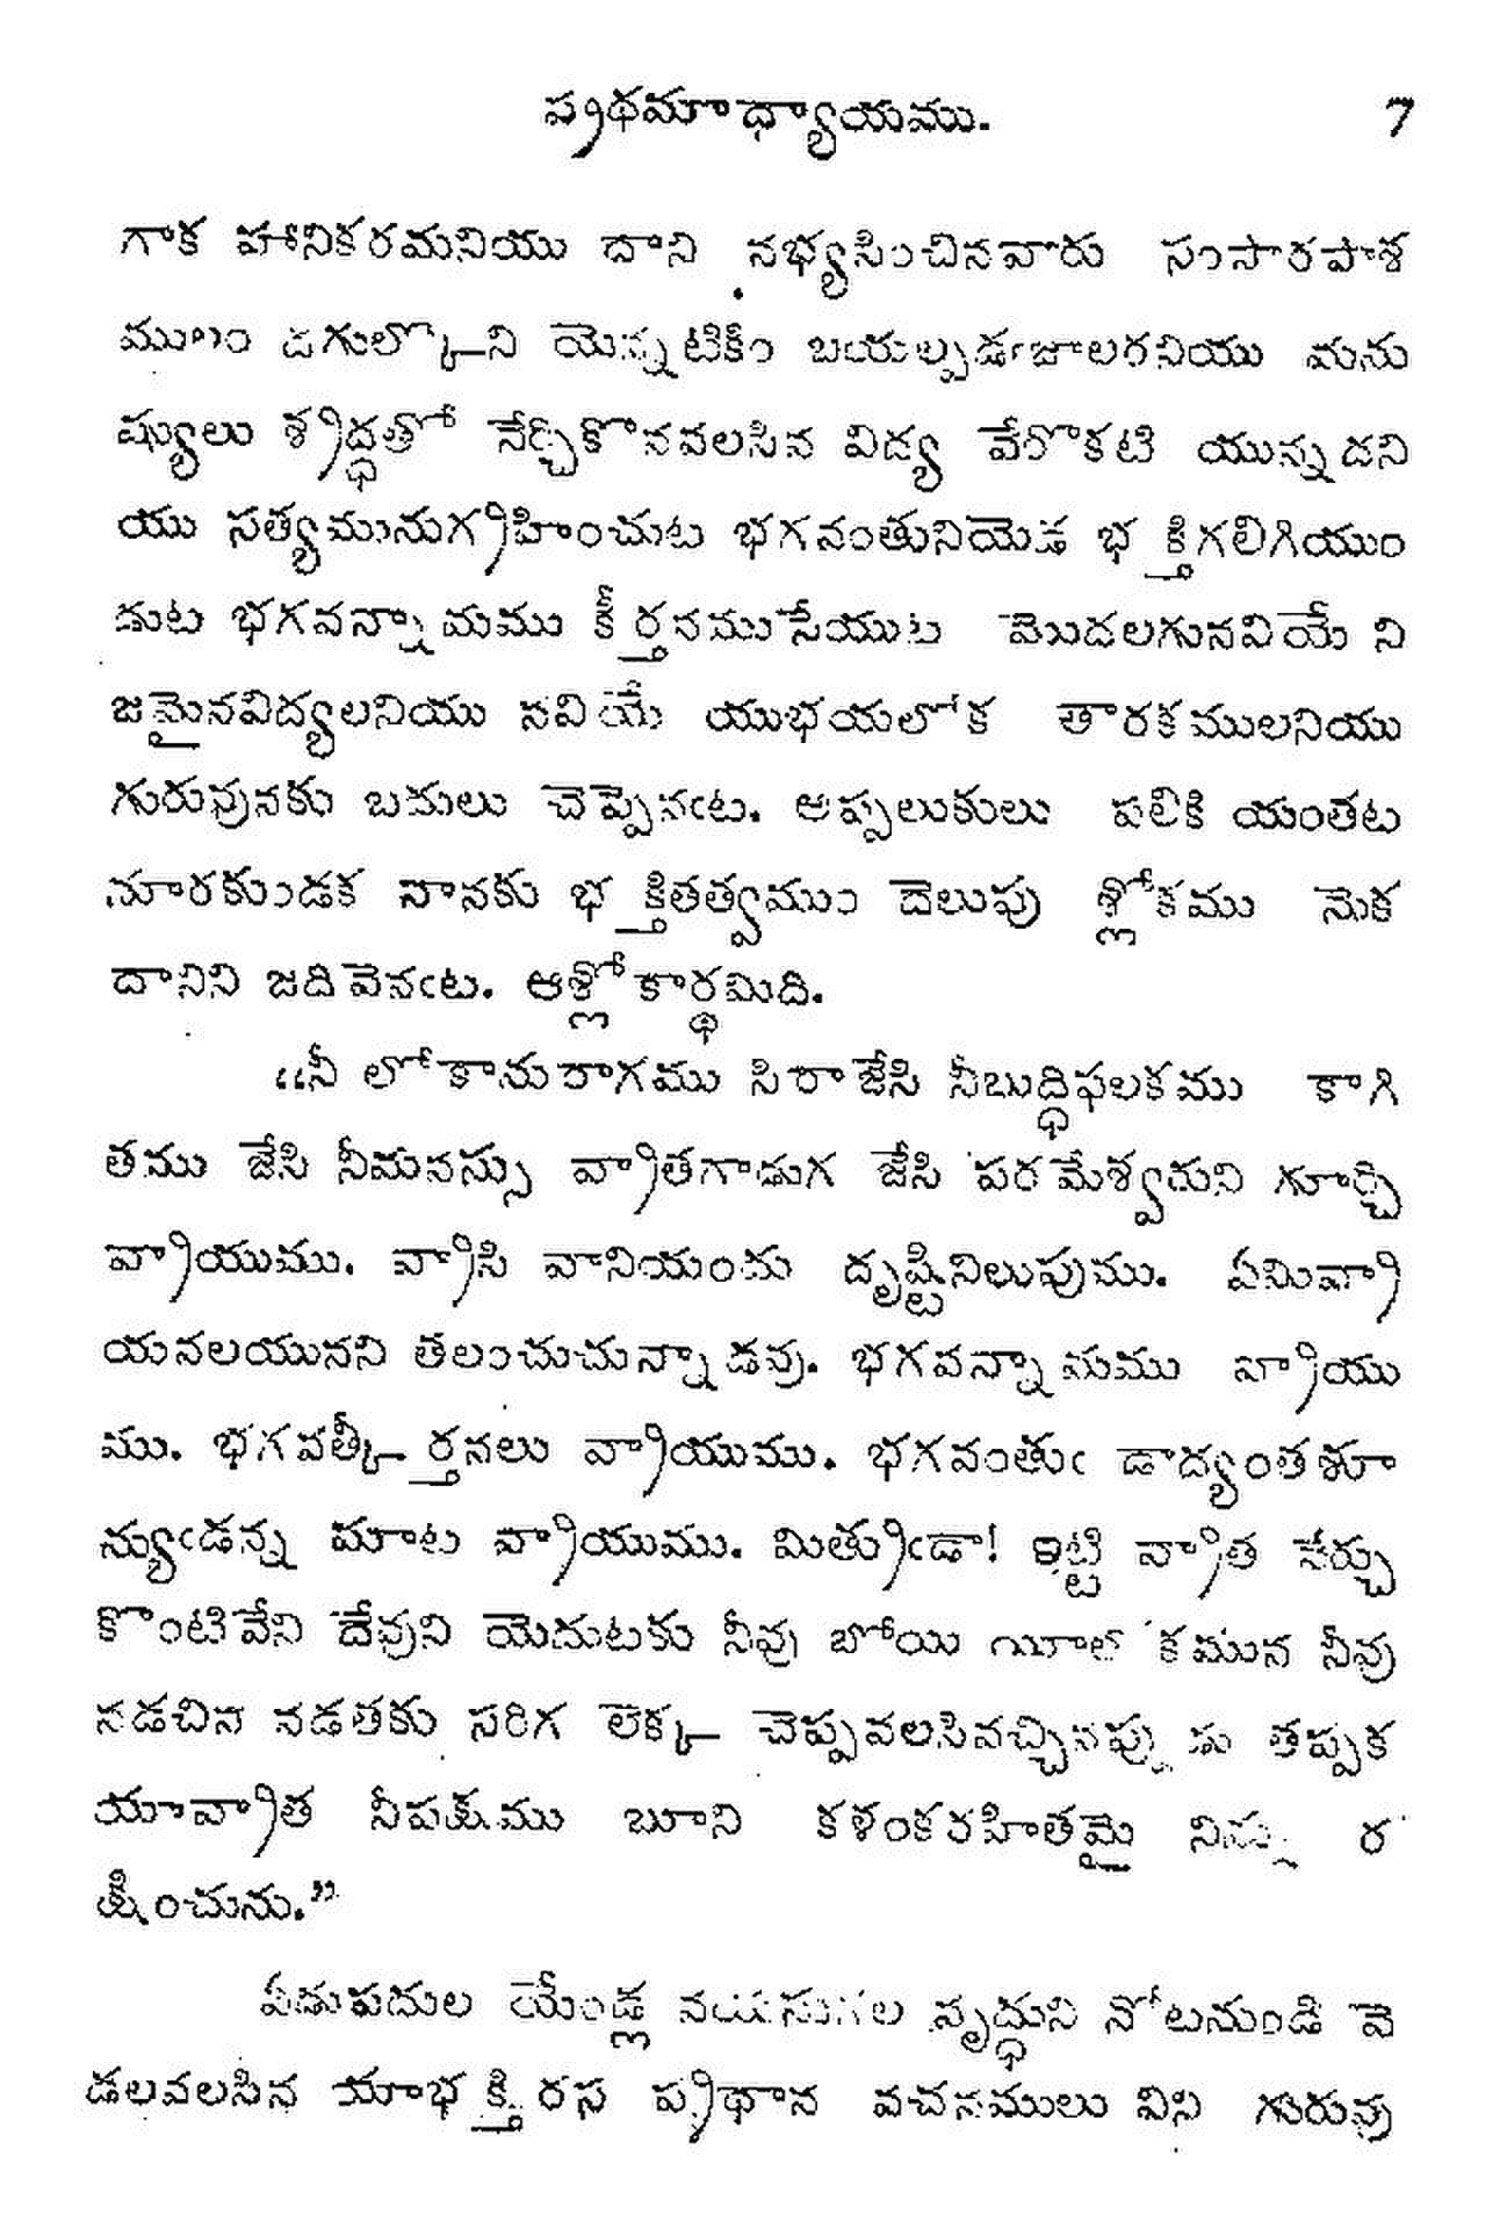గాక హానికరమనియు దాని నభ్యసించినవారు సంసారపాశములం దగుల్కొని యెన్నటికిం బయల్పడఁజాలరనియు మనుష్యులు శ్రద్ధతో నేర్చికొనవలసిన విద్య వేరొకటి యున్నదనియు సత్యమును గ్రహించుట భగవంతునియెడ భక్తిగలిగియుండుట భగవన్నామము కీర్తనముసేయుట మొదలగునవియే నిజమైన విద్యలనియు నవియే యుభయలోక తారకములనియు గురువునకు బదులు చెప్పెనఁట. అప్పలుకులు పలికి యంతట నూరకుండక నానకు భక్తితత్వముం దెలుపు శ్లోకము నొక దానిని జదివెనఁట. ఆశ్లోకార్థమిది.

“నీ లోకానురాగము సిరాజేసి నీబుద్ధిఫలకము కాగితము జేసి నీమనస్సు వ్రాతగాడుగ జేసి పరమేశ్వరుని గూర్చి వ్రాయుము. వ్రాసి వానియందు దృష్టినిలుపుము. ఏమివ్రాయవలయునని తలంచుచున్నాడవు. భగవన్నామము వ్రాయుము. భగవత్కీర్తనలు వ్రాయుము. భగవంతుఁ డాద్యంతశూన్యుఁడన్న మాట వ్రాయుము. మిత్రుడా! ఇట్టి వ్రాత నేర్చుకొంటివేని దేవుని యెదుటకు నీవు బోయి యీలోకమున నీవు నడచిన నడతకు సరిగ లెక్క చెప్పవలసివచ్చినప్పుడు తప్పక యావ్రాత నీపక్షము బూని కళంకరహితమై నిన్ను రక్షించును.”

ఏడుపదుల యేండ్ల వయసుగల వృద్ధుని నోటనుండి వెడలవలసిన యాభక్తిరస ప్రథాన వచనములు విని గురువు